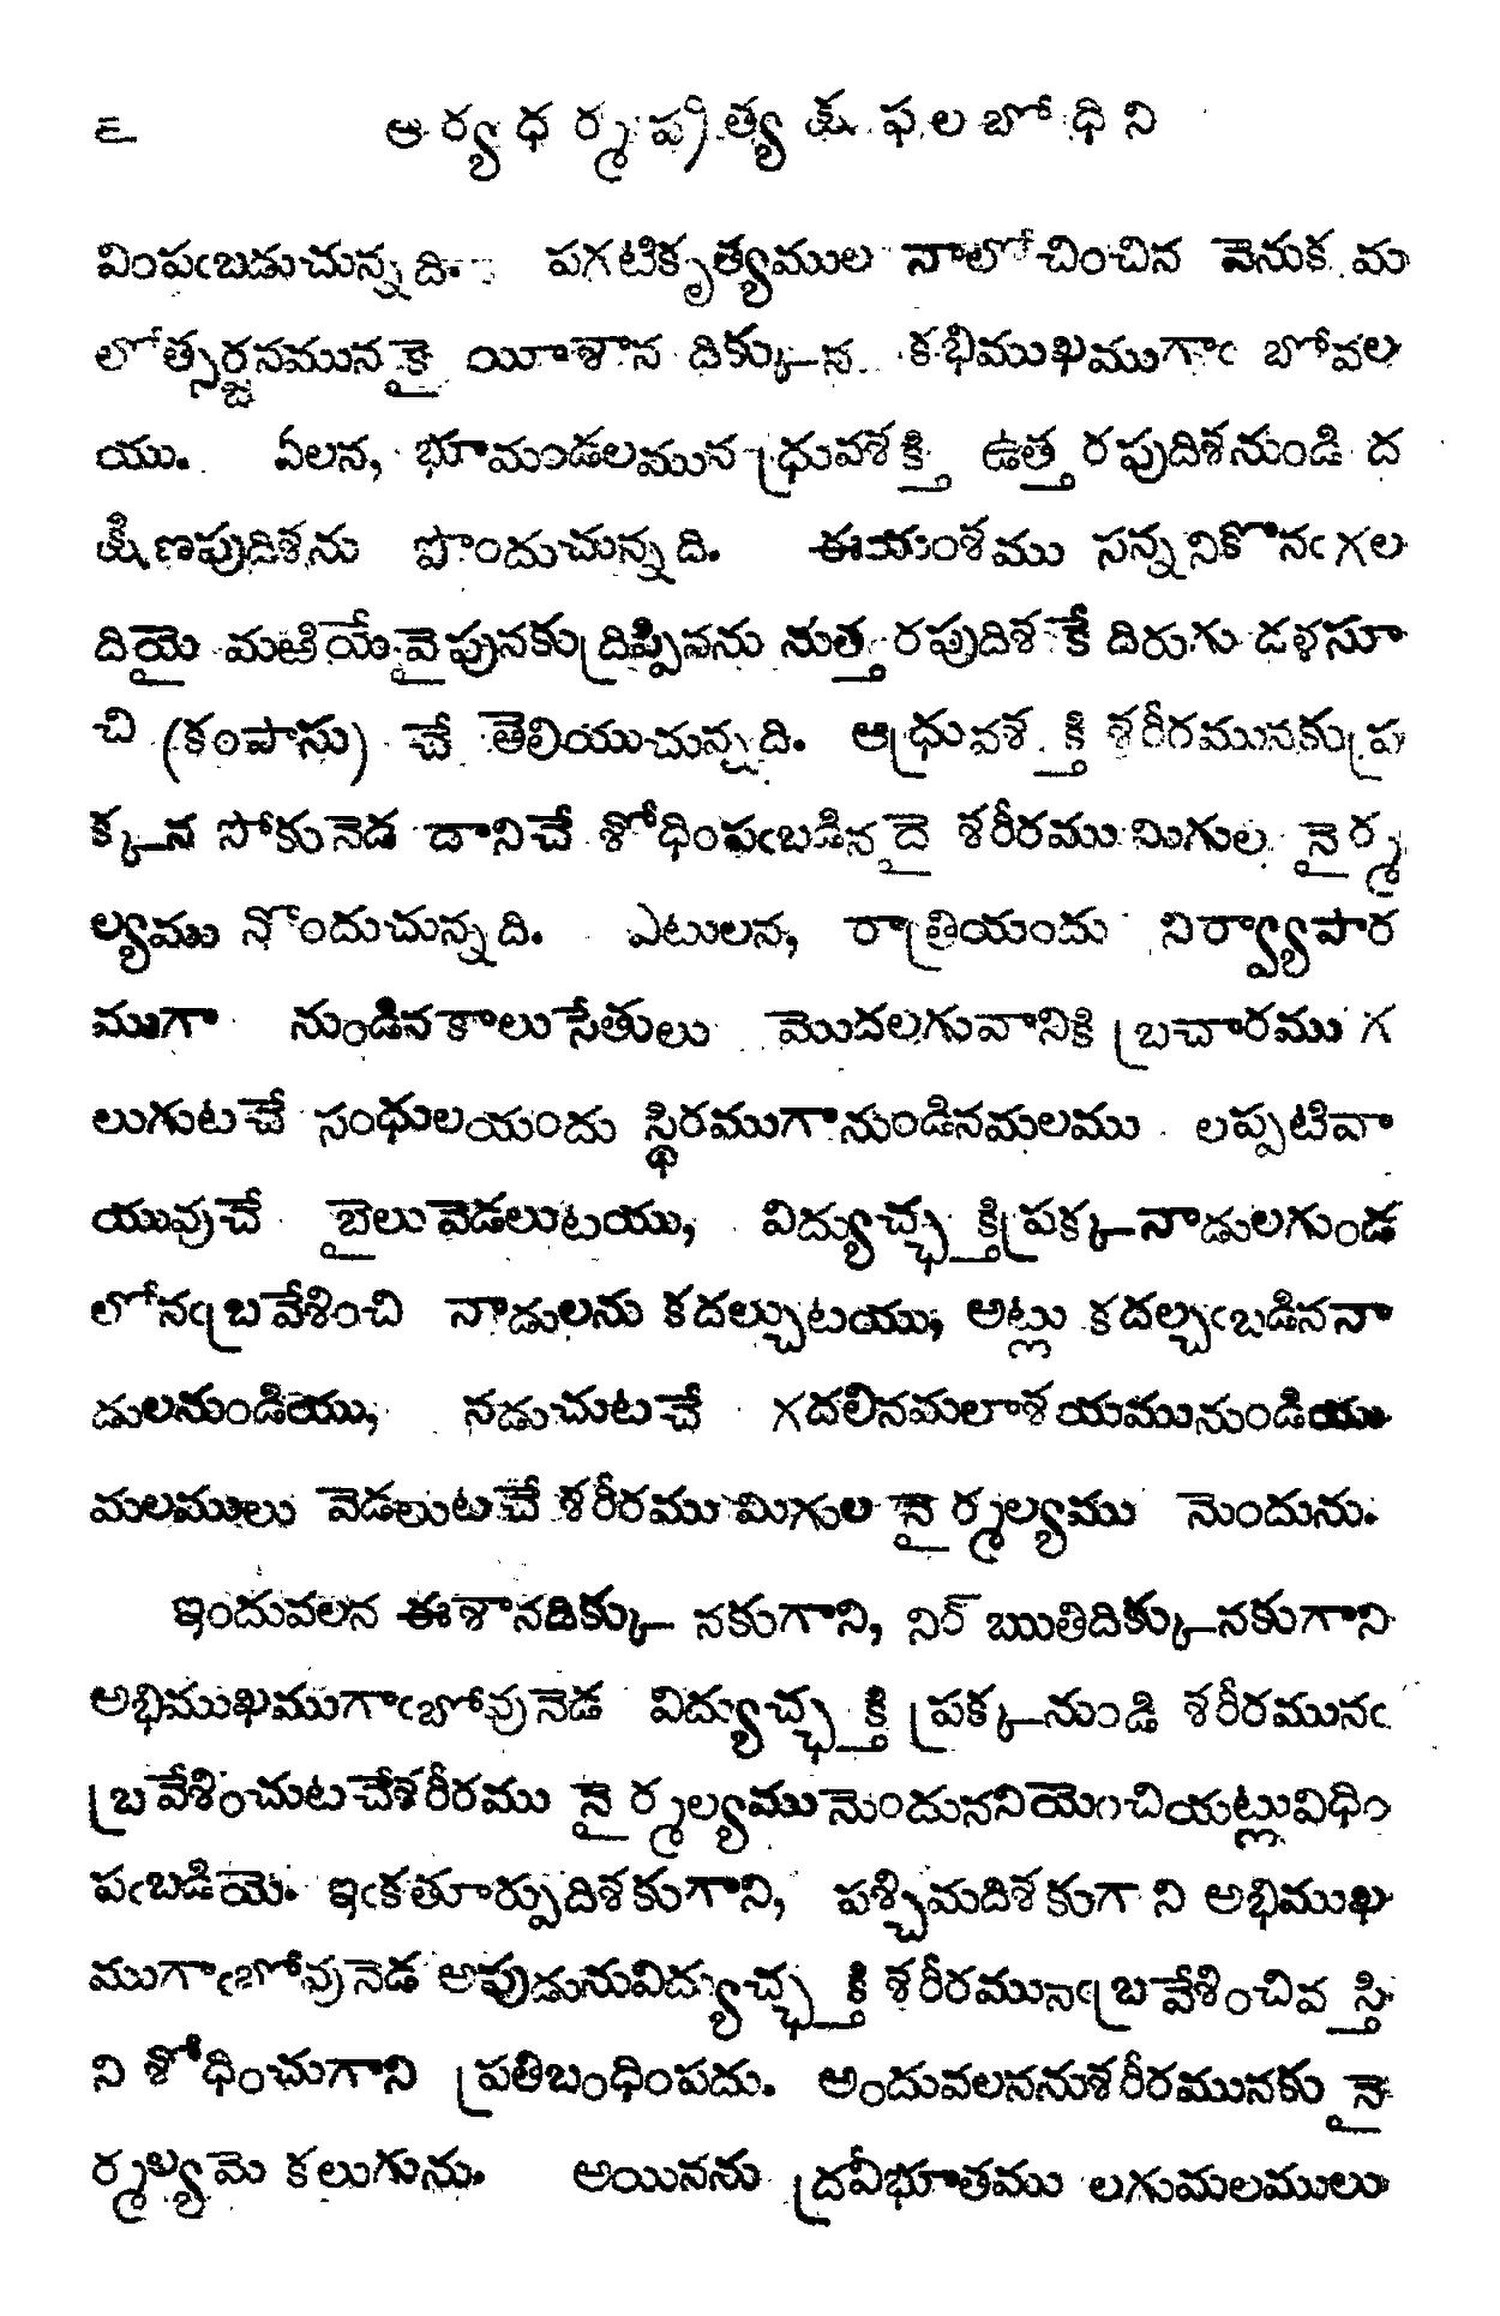వింపఁబడుచున్నది. పగటికృత్యముల నాలోచించిన వెనుక మలోత్సర్జనమునకై యీశాన దిక్కున కభిముఖముగాఁ బోవలయు. ఏలన, భూమండలమున ధ్రువశక్తి ఉత్తరపుదిశనుండి దక్షిణపుదిశను పొందుచున్నది. ఈయంశము సన్ననికొనఁగలదియై మఱియేవైపునకుద్రిప్పినను నుత్తరపుదిశకే దిరుగు దళసూచి (కంపాసు) చే తెలియుచున్నది. ఆధ్రువశక్తి శరీరమునకుప్రక్కన సోకునెడ దానిచే శోధింపఁబడినదై శరీరము మిగుల నైర్మల్యము నొందుచున్నది. ఎటులన, రాత్రియందు నిర్వ్యాపారముగా నుండినకాలుసేతులు మొదలగువానికి బ్రచారము గలుగుటచే సంధులయందు స్థిరముగానుండినమలము లప్పటివాయువుచే బైలువెడలుటయు, విద్యుచ్ఛక్తిప్రక్కనాడులగుండ లోనఁబ్రవేశించి నాడులను కదల్చుటయు, అట్లు కదల్చఁబడిననాడులనుండియు, నడుచుటచే గదలినమలాశయమునుండియు మలములు వెడలుటచే శరీరము మిగుల నైర్మల్యము నొందును.

ఇందువలన ఈశానదిక్కునకుగాని, నిర్ఋతిదిక్కునకుగాని అభిముఖముగాఁబోవునెడ విద్యుచ్ఛక్తి ప్రక్కనుండి శరీరమునఁ బ్రవేశించుటచేశరీరము నైర్మల్యము నొందుననియెంచియట్లువిధింపఁబడియె. ఇఁకతూర్పుదిశకుగాని, పశ్చిమదిశకుగాని అభిముఖముగాఁబోవునెడ అపుడునువిద్యుచ్ఛక్తి శరీరమునఁబ్రవేశించివస్తిని శోధించుగాని ప్రతిబంధింపదు. అందువలననుశరీరమునకు నైర్మల్యమె కలుగును.
అయినను ద్రవీభూతము లగుమలములు